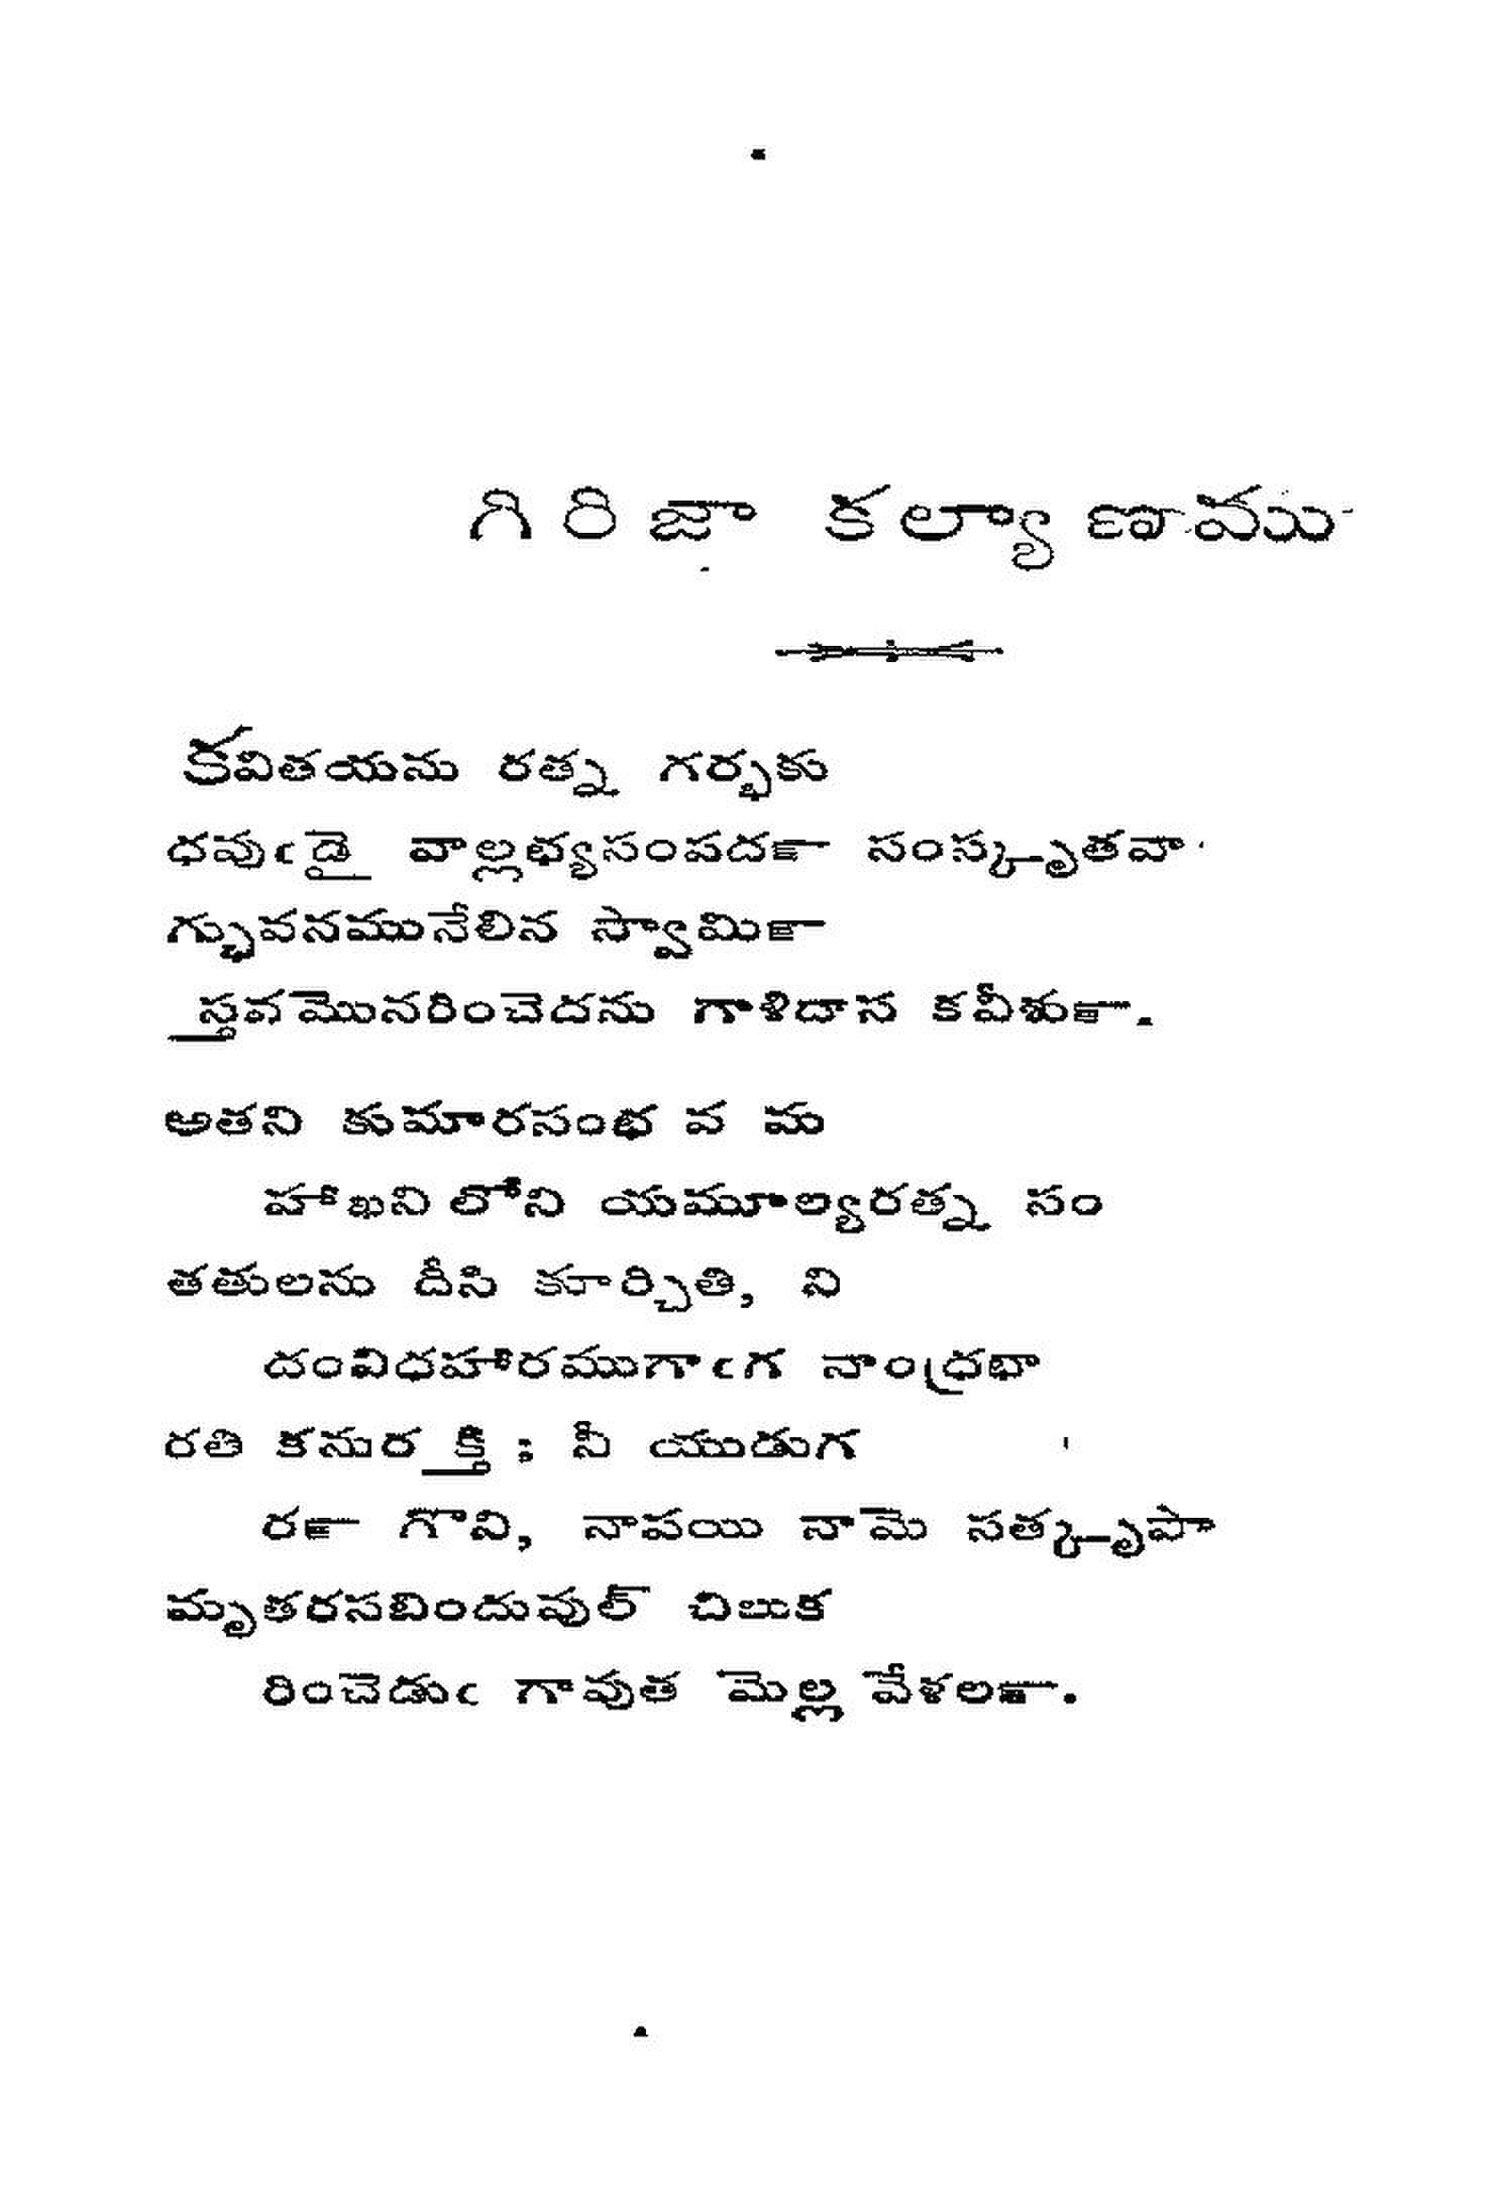గిరిజా కల్యాణము

కవితయను రత్న గర్భకు
ధవుఁడై వాల్లభ్యసంపదన్ సంస్కృతవా.
గ్భువనమునేలిన స్వామిన్
స్తవమొనరించెదను గాళిదాస కవీశున్

అతని కుమారసంభవమ
 హాఖని లోని యమూల్యరత్న సం
తతులను దీసి కూర్చితి, ని
 దంవిధహారముగాఁగ నాంధ్రభా
రతి కనురక్తి; నీ యుడుగ
 రన్ గొని, నాపయి నామె సత్కృపా
మృతరసబిందువుల్ చిలుక
 రించెడుఁ గావుత మెల్ల వేళలన్.